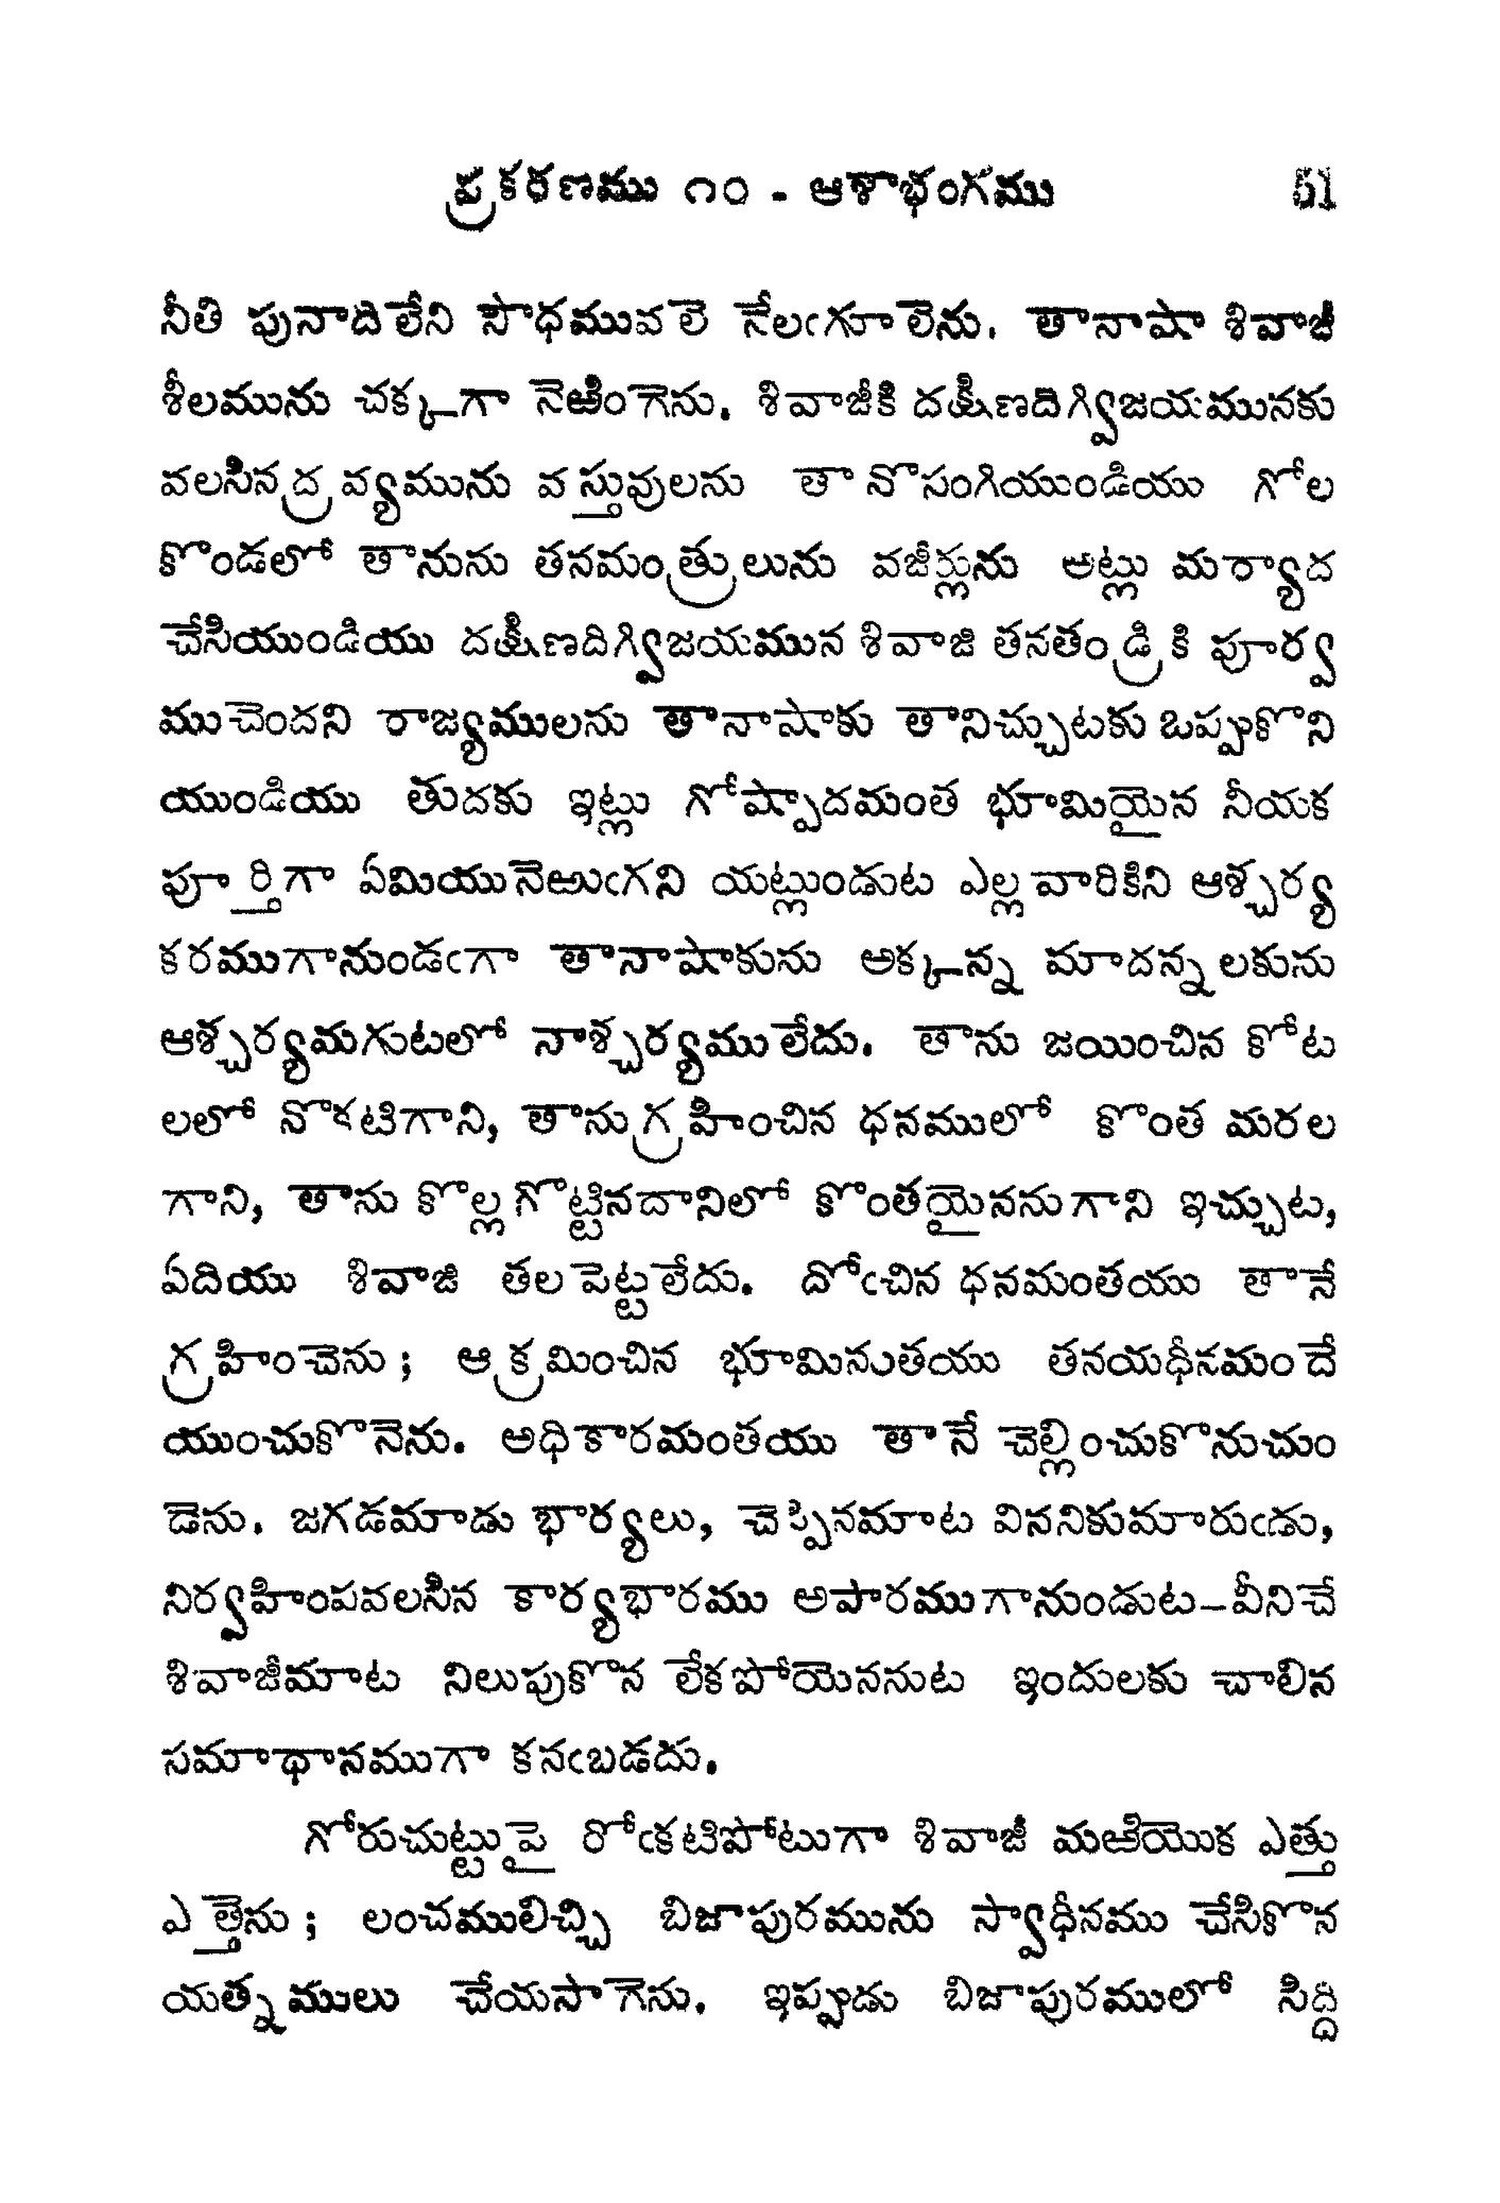నీతి పునాదిలేని సౌధమువలె నేలఁగూలెను. తానాషా శివాజీ శీలమును చక్కగా నెఱింగెను. శివాజీకి దక్షిణదిగ్విజయమునకు వలసినద్రవ్యమును వస్తువులను తా నొసంగియుండియు గోలకొండలో తానును తనమంత్రులును వజీర్లును అట్లు మర్యాద చేసియుండియు దక్షిణదిగ్విజయమున శివాజి తనతండ్రికి పూర్వముచెందని రాజ్యములను తానాషాకు తానిచ్చుటకు ఒప్పుకొని యుండియు తుదకు ఇట్లు గోష్పాదమంత భూమియైన నీయక పూర్తిగా ఏమియునెఱుఁగని యట్లుండుట ఎల్లవారికిని ఆశ్చర్యకరముగానుండఁగా తానాషాకును అక్కన్న మాదన్నలకును ఆశ్చర్యమగుటలో నాశ్చర్యములేదు. తాను జయించిన కోటలలో నొకటిగాని, తానుగ్రహించిన ధనములో కొంత మరలగాని, తాను కొల్లగొట్టినదానిలో కొంతయైననుగాని ఇచ్చుట, ఏదియు శివాజి తలపెట్టలేదు. దోఁచిన ధనమంతయు తానే గ్రహించెను; ఆక్రమించిన భూమినంతయు తనయధీనమందే యుంచుకొనెను. అధికారమంతయు తానే చెల్లించుకొనుచుండెను. జగడమాడు భార్యలు, చెప్పినమాట విననికుమారుఁడు, నిర్వహింపవలసిన కార్యభారము అపారముగానుండుట - వీనిచే శివాజీమాట నిలుపుకొన లేకపోయెననుట ఇందులకు చాలిన సమాధానముగా కనఁబడదు.

గోరుచుట్టుపై రోఁకటిపోటుగా శివాజీ మఱియొక ఎత్తు ఎత్తెను; లంచములిచ్చి బిజాపురమును స్వాధీనము చేసికొన యత్నములు చేయసాగెను. ఇప్పుడు బిజాపురములో సిద్ది